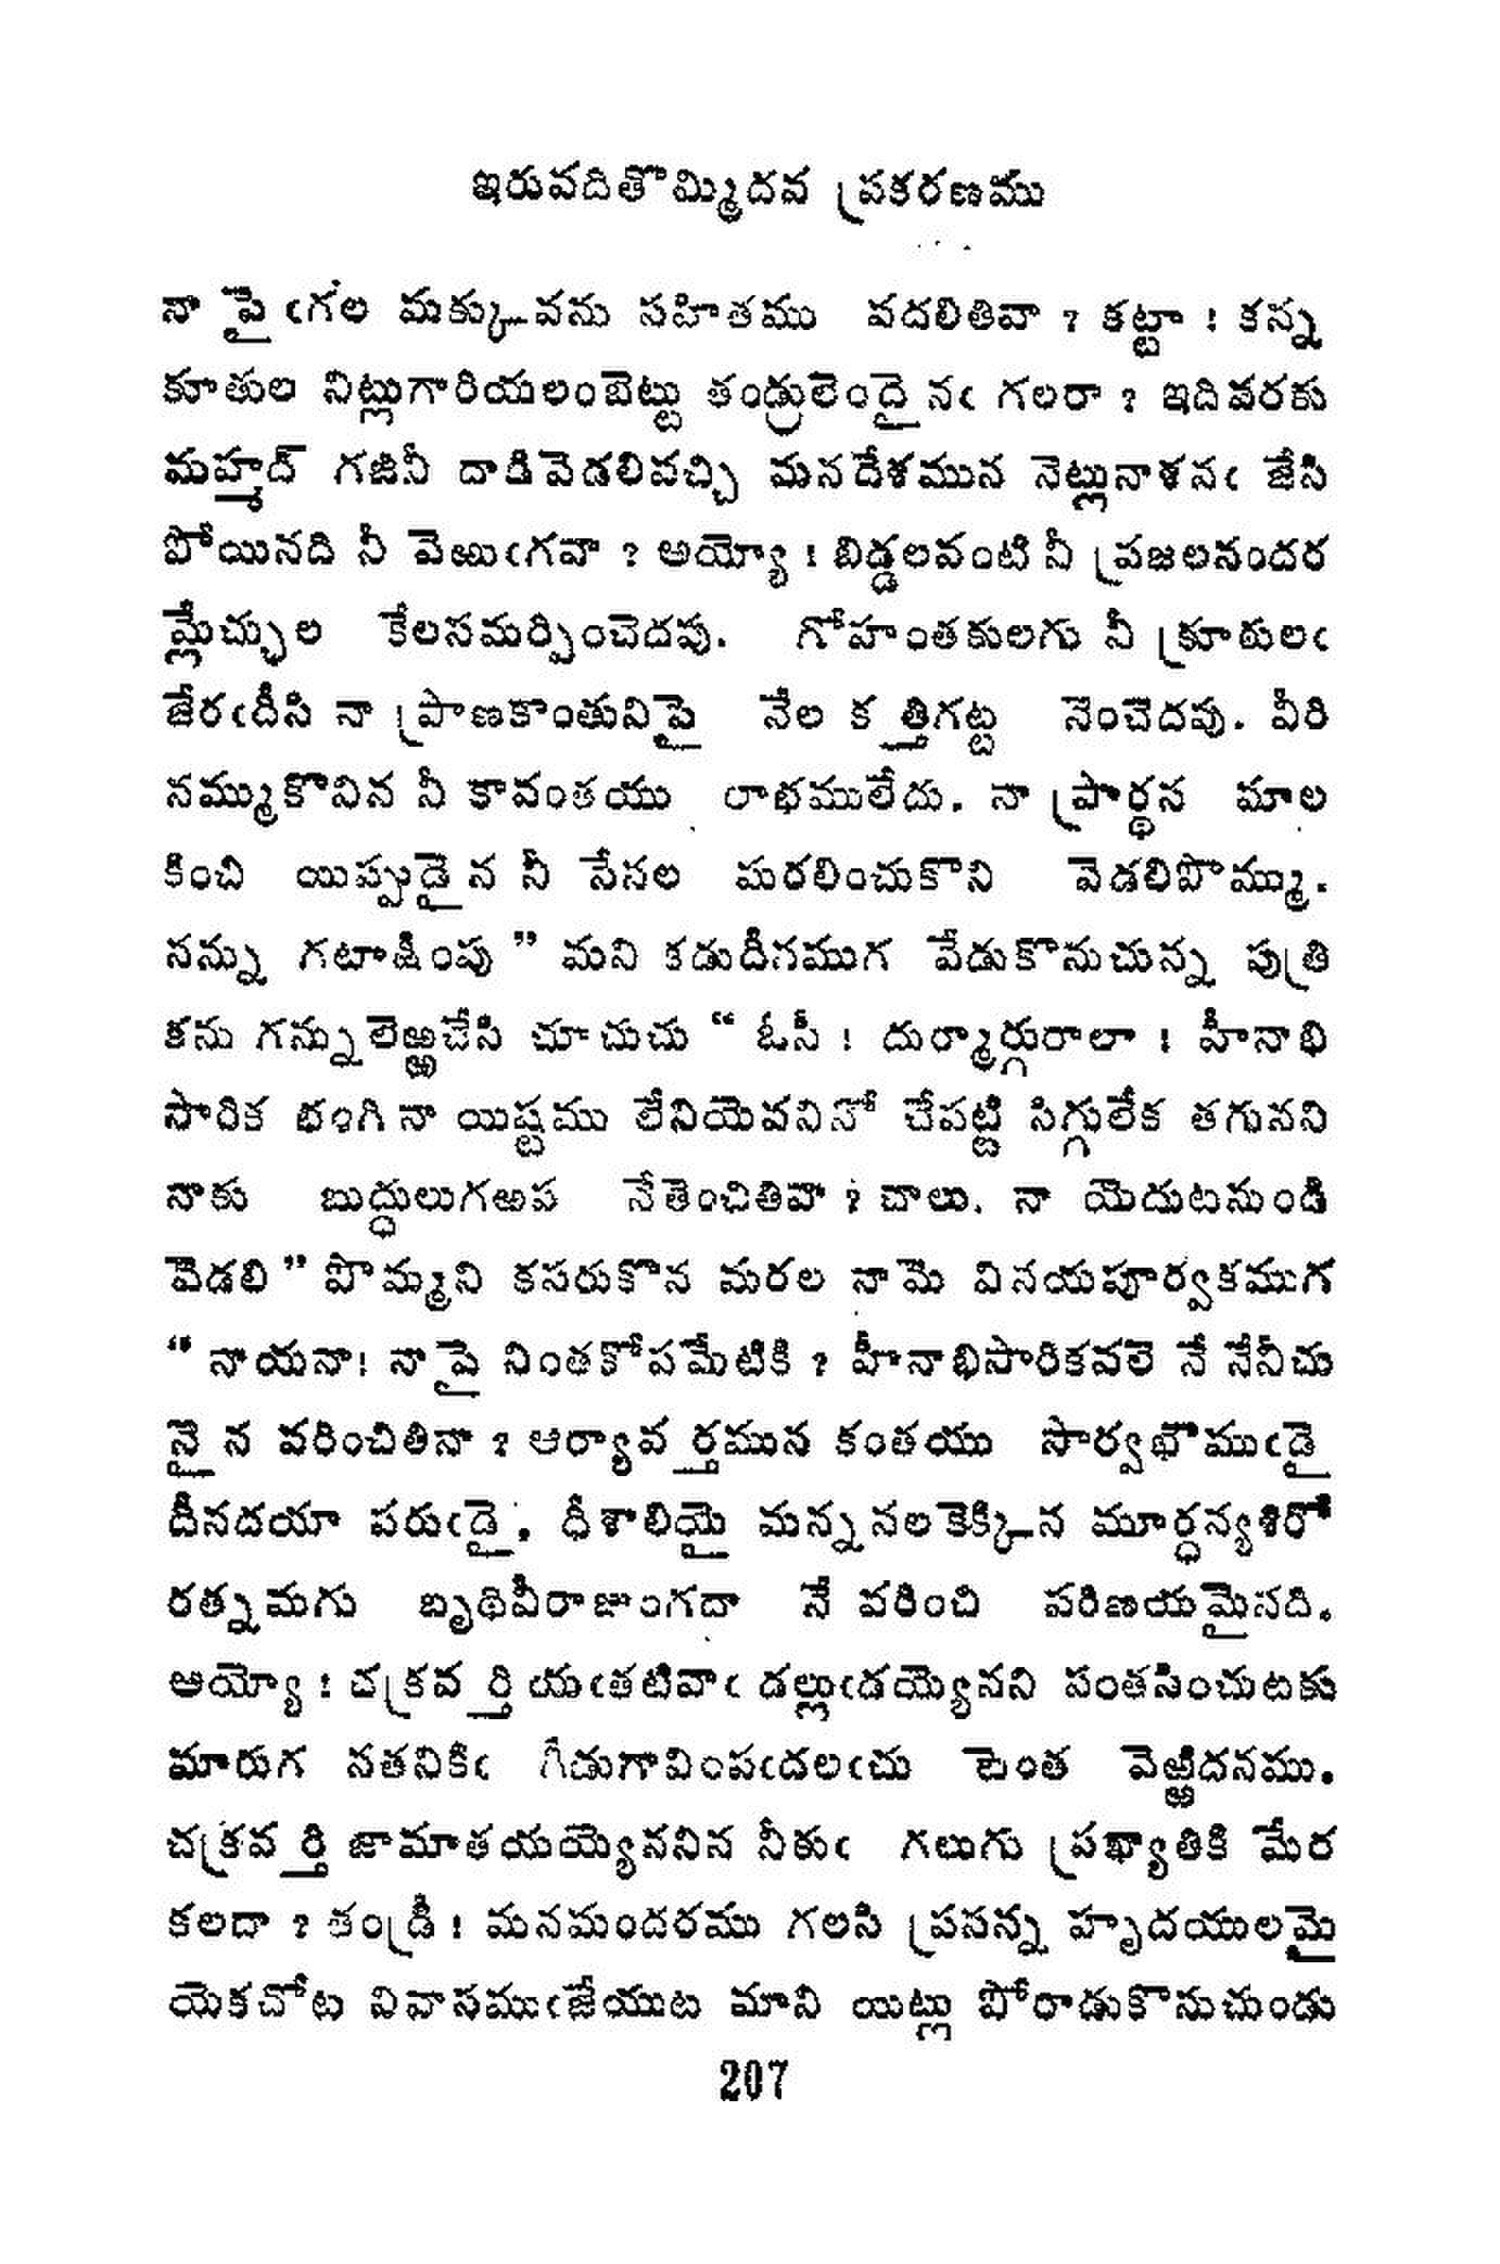నా పైఁగల మక్కువను సహితము వదలితివ ? కట్టా ! కన్న కూతుల నిట్లుగారియలంబెట్టు తండ్రులెందైనఁ గలరా ? ఇదివరకు మహ్మద్ గజినీ దాడివెడలివచ్చి మనదేశమున నెట్లునాశనఁ జేసిపోయినది నీ వెఱుఁగవా? అయ్యో ! బిడ్డలవంటి నీ ప్రజలనందర మ్లేచ్చుల కేలసమర్పించెదవు. గోహంతకులగు నీ క్రూరులఁ జేరఁదీసి నా ప్రాణకాంతునిపై నేల కత్తిగట్ట నెంచెదవు . వీరి నమ్ముకొనిన నీ కావంతయు లాభములేదు. నాప్రార్దన మాలకించి యిప్పుడైన నీ సేనల మరలించుకొని వెడలిపొమ్ము. నన్ను గటాక్షింపుమ"ని కడుదీనముగా వేడుకొనుచున్న పుత్రికను గన్నులెఱ్ఱచేసి చూచుచు "ఓసీ ! దుర్మార్గురాలా ! హీనాభి సారిక భంగి నా యిష్టము లేనియెవనినో చేపట్టి సిగ్గులేక తగునని నాకు బుద్ధులుగఱప నేతెంచితివా? చాలు. నా యెదుటనుండి వెడలి " పొమ్మని కసరుకొన మరల నామె వినయపూర్వకముగ " నాయనా! నాపై నింతకోపమేటికి ? హీనాభిసారికవలె నే నేనీచునైన వరించితినా ? ఆర్యావర్తమున కంతయు సార్వభౌముఁడై దీనదయా పరుఁడై, ధీశాలియై మన్ననలకెక్కిన మూర్ధన్యశిరోరత్నమగు బృథివీరాజుంగదా నే వరించి పరిణయమైనది. అయ్యో : చక్రవర్తి యతటివాఁ డల్లుఁడయ్యెనని సంతసించుటకు మారుగ నతనికిఁ గీడుగావింపఁదలఁచు టెంత వెఱ్ఱిదనము. చక్రవర్తి జామాతయయ్యెననిన నీకుఁ గలుగు ప్రఖ్యాతికి మేర కలదా ? తండ్రీ ! మనమందరము గలసి ప్రసన్న హృదయులమై యొకచోట నివాసముఁజేయుట మాని యిట్లు పోరాడుకొనుచుండు